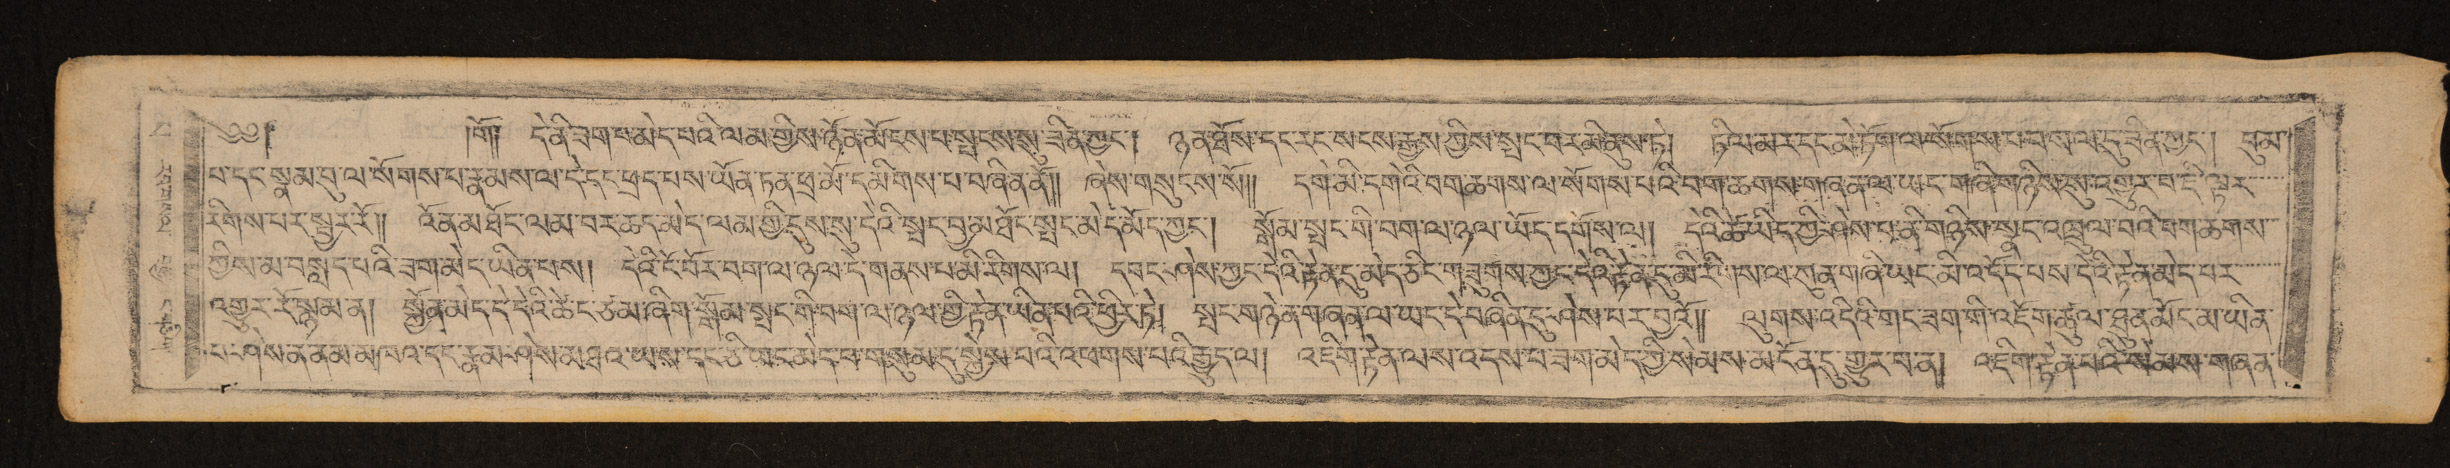༄༅། །གོ༑ དེ་ནི་ཟག་པ་མེད་པའི་ལམ་གྱིས་ཉོན་མོངས་པ་སྤངས་སུ་ཟིན་ཀྱང་། ཉན་ཐོས་དང་རང་སངས་རྒྱས་ཀྱིས་སྤང་བར་མི་ནུས་ཏེ། ཏིལ་མར་དང་མེ་ཏོག་ལ་སོགས་པ་བསལ་དུ་ཟིན་ཀྱང་། བུམ་
པ་དང་སྣམ་བུ་ལ་སོགས་པ་རྣམས་ལ་དེ་དང་ཕྲད་པས་ཡོན་ཏན་ཕྲ་མོ་དམིགས་པ་བཞིན་ནོ།། ཞེས་གསུངས་སོ།། དགེ་མི་དགེའི་བག་ཆགས་ལ་སོགས་པའི་བག་ཆགས་གཞན་ལ་ཡང་གཞི་གཉིས་སུ་འགྱུར་བ་ཇི་ལྟར་
རིགས་པར་སྦྱར་རོ།། འོ་ན་མཐོང་ལམ་བར་ཆད་མེད་ལམ་གྱི་དུས་སུ་དེའི་སྤང་བྱ་མཐོང་སྤང་མེད་མོད་ཀྱང་། སྒོམ་སྤང་གི་བག་ལ་ཉལ་ཡོད་དགོས་ལ། དེའི་ཚེ་ཡིད་ཀྱི་ཤེས་པ་ནི་གཉིས་སྣང་འཁྲུལ་བའི་བག་ཆགས་
ཀྱིས་མ་བསླད་པའི་ཟག་མེད་ཡིན་པས། དེའི་ངོ་བོར་བག་ལ་ཉལ་དེ་གནས་པ་མི་རིགས་ལ། དབང་ཤེས་ཀྱང་དེའི་རྟེན་དུ་མེད་ཅིང་གཟུགས་ཀྱང་དེའི་རྟེན་དུ་མི་རིགས་ལ་ཀུན་གཞི་ཡང་མི་འདོད་པས་དེའི་རྟེན་མེད་པར་
འགྱུར་རོ་སྙམ་ན། སྐྱོན་མེད་དེ་དེའི་ཚེ་ང་ཙམ་ཞིག་སྒོམ་སྤང་གི་བག་ལ་ཉལ་གྱི་རྟེན་ཡིན་པའི་ཕྱིར་ཏེ། སྤང་གཉེན་གཞན་ལ་ཡང་དེ་བཞིན་དུ་ཤེས་པར་བྱའོ།། ལུགས་འདིའི་གང་ཟག་གི་འཇོག་ཚུལ་ཐུན་མོང་མ་ཡིན་
པ་ཤེས་ན་ནམ་མཁའ་དང་རྣམ་ཤེས་མཐའ་ཡས་དང་ཅི་ཡང་མེད་པ་གསུམ་དུ་སྐྱེས་པའི་འཕགས་པའི་རྒྱུད་ལ། འཇིག་རྟེན་ལས་འདས་པ་ཟག་མེད་ཀྱི་སེམས་མངོན་དུ་གྱུར་པ་ན། འཇིག་རྟེན་པའི་སེམས་གཞན་